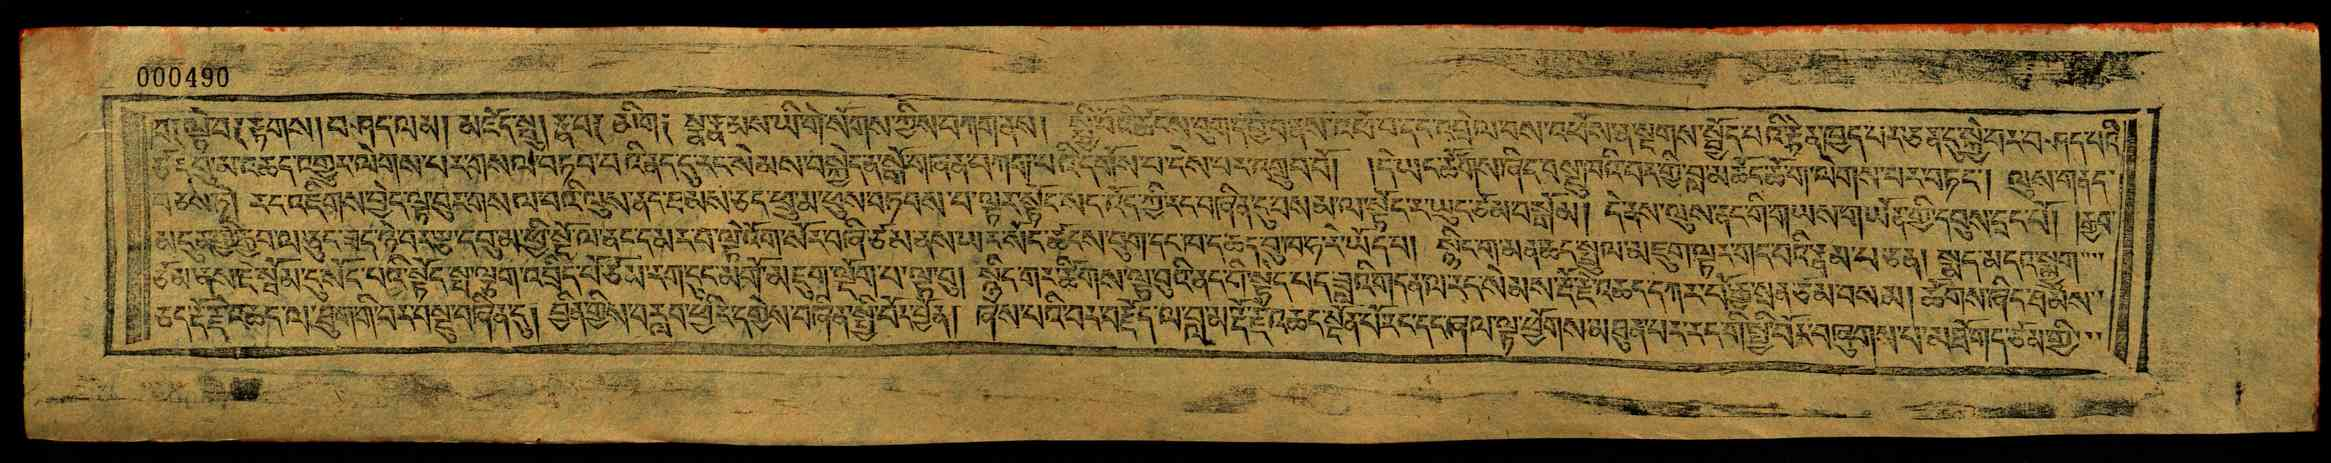ཁ༑ ལྟེ་བ༑ རྟགས། བཤད་ལམ། མཛོད་སྤུ། རྣ་བ༑ མིག༑ སྣ་རྣམས་ཡི་གེ་སོགས་ཀྱིས་བཀག་ནས། སྤྱི་བོའི་ཚངས་བུག་དབྱེ་བ་ནས་འཕོ་བ་དང་འབྲེལ་བས་འཕོས་ན་སྔགས་སྤྱོད་པའི་རྟེན་ཁྱད་པར་ཅན་དུ་སྐྱེ་བར་བཤད་པའི་
རྩ་དབུ་མ་འཆད་འགྱུར་ལེགས་པར་གསལ་བཏབ་པའི་ནང་དུ་རང་སེམས་བསྐྱེད་ན་སྒོ་གཞན་བཀག་པའི་དགོས་པ་ངེས་པར་འགྲུབ་བོ། །དེ་ཡང་ཚོགས་ཞིང་བསྡུ་ཁའི་བར་གྱི་བླ་མཆོད་ཆོ་ག་ལེགས་པར་བཏང་། ལུས་གནད་
བཅས་ཏེ། རང་འཇིགས་བྱེད་ལྟ་བུར་གསལ་བའི་ལུས་ནང་ཐམས་ཅད་ཕྲུ་མ་ཕུས་བཏབས་པ་ལྟར་སྟོང་སང་འོད་ཀྱི་རང་བཞིན་དུ་བསམ་ལ་སྟོང་ར་ཡུད་ཙམ་བསྒོམ། དེ་ནས་ལུས་ནང་གི་གཡས་གཡོན་གྱི་དབུས་དྲང་པོ། །རྒྱབ་
མདུན་གྱི་རྒྱབ་ལ་ཅུང་ཟད་ཉེ་བར་རྩ་དབུ་མ་ཕྱི་སྔོ་ལ་ནང་དམར་བ་ལྟེ་འོག་སོར་བཞི་ཙམ་ནས་ཡར་སོང་ཚངས་བུག་དང་ཁ་ད་ཆད་བུ་ཁ་ཧ་རེ་ཡོད་པ། སྙིང་ག་མན་ཆང་སྦྲུལ་མཇུག་ལྟར་གང་བའི་རྣམ་པ་ཅན། སྨད་མདའ་སྨྱག་
ཙམ་ནས་ཇེ་སྦོམ་དུ་སོང་བའི་སྟོད་སྦ་ལྕག་འབྲང་པོ་ཙམ་རག་དུང་མགོ་མཇུག་ལྡོག་པ་ལྟ་བུ། སྙིང་གར་ཚིགས་ལྟ་བུའི་ནང་གི་སྟེང་པད་ཟླའི་གདན་ལ་རང་སེམས་རྡོ་རྗེ་འཆང་དཀར་པོ་རྒྱ་སྲན་ཙམ་བསམ། ཚོགས་ཞིང་ཐམས་
ཅད་རྡོ་རྗེ་འཆང་ལ་ཐུག་གི་བར་བསྡུ་བཞིན་དུ། བྱིན་གྱིས་བརླབ་ཕྱིར་དགྱེས་བཞིན་སྤྱི་བོར་བྱོན། ཞེས་པའི་བར་བརྗོད་ལ་བླ་མ་རྡོ་རྗེ་འཆང་སྔོན་པོ་རང་དང་ཞལ་ལྟ་ཕྱོགས་མཐུན་པར་རང་གི་སྤྱི་བོར་བཞུགས་པ་མཐོ་གང་ཙམ་གྱི་